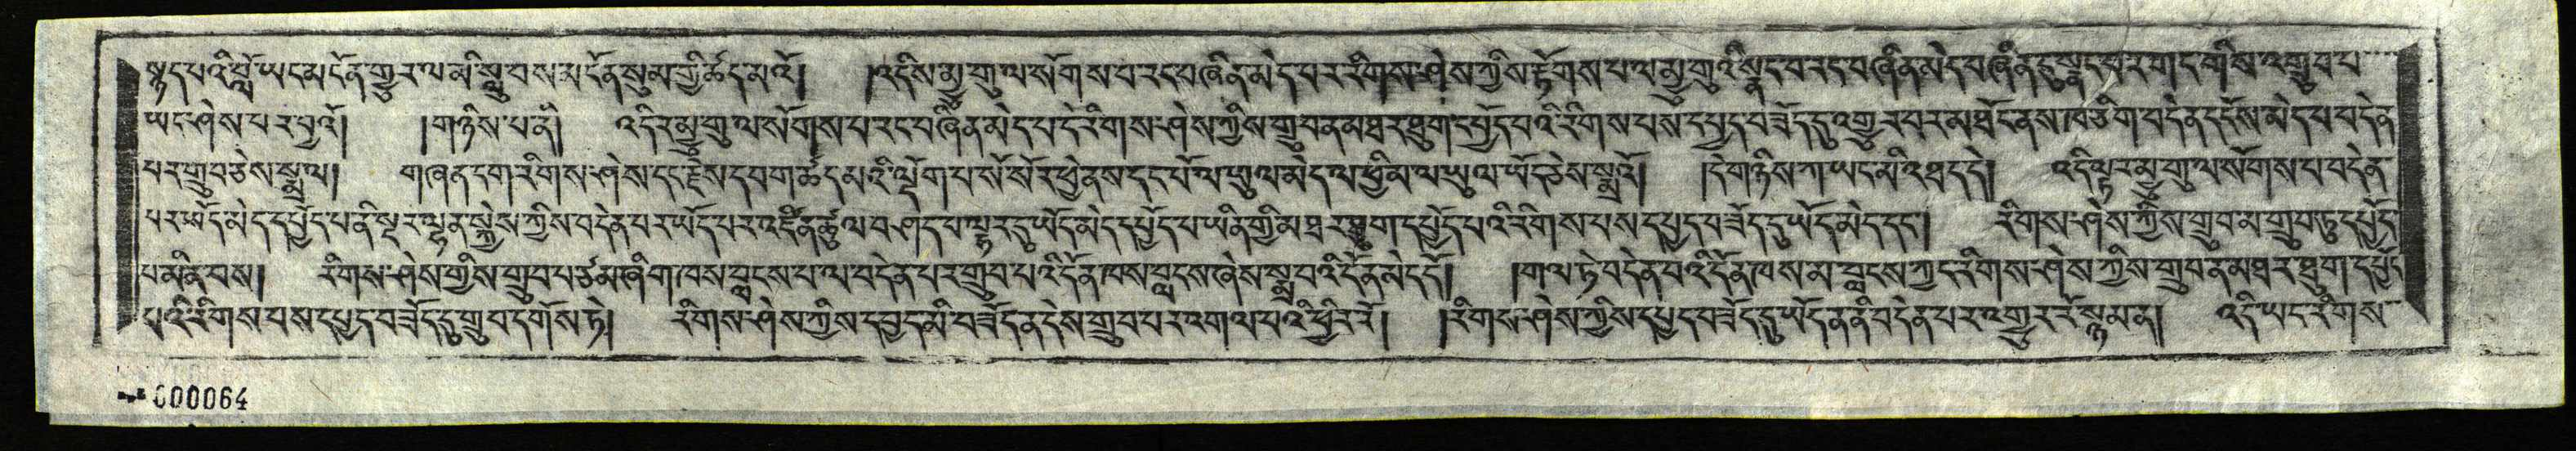སྙད་པའི་བློ་ཡང་མངོན་གྱུར་ལ་མི་སླུ་བས་མངོན་སུམ་གྱི་ཚད་མའོ། །འདིས་མྱུ་གུ་ལ་སོགས་པ་རང་བཞིན་མེད་པར་རིགས་ཤེས་ཀྱིས་རྟོགས་པ་ལ་མྱུ་གུའི་སྣང་བ་རང་བཞིན་མེད་བཞིན་དུ་སྣང་བར་གང་གིས་འགྲུབ་པ་
ཡང་ཤེས་པར་བྱའོ། །གཉིས་པ་ནི། འདིར་མྱུ་གུ་ལ་སོགས་པ་རང་བཞིན་མེད་པ་དེ་རིགས་ཤེས་ཀྱིས་གྲུབ་ན་མཐར་ཐུག་དཔྱོད་པའི་རིགས་པས་དཔྱད་བཟོད་དུ་འགྱུར་བར་མཐོང་ནས་ཁ་ཅིག་བདེན་དངོས་མེད་པ་བདེན་
པར་གྲུབ་ཅེས་སྨྲ་ལ། གཞན་དག་རིགས་ཤེས་དང་རྗེས་དཔག་ཚད་མའི་ལྡོག་པ་སོ་སོར་ཕྱེ་ནས་དང་པོ་ལ་ཡུལ་མེད་ལ་ཕྱི་མ་ལ་ཡུལ་ཡོད་ཅེས་སྨྲའོ། །དེ་གཉིས་ཀ་ཡང་མི་འཐད་དེ། འདི་ལྟར་མྱུ་གུ་ལ་སོགས་པ་བདེན་
པར་ཡོད་མེད་དཔྱོད་པ་ནི་སྔར་ལྷན་སྐྱེས་ཀྱིས་བདེན་པར་ཡོད་པར་འཛིན་ཚུལ་བཤད་པ་ལྟར་དུ་ཡོད་མེད་དཔྱོད་པ་ཡིན་གྱི་མཐར་ཐུག་དཔྱོད་པའི་རིགས་པས་དཔྱད་བཟོད་དུ་ཡོད་མེད་དང་། རིགས་ཤེས་ཀྱིས་གྲུབ་མ་གྲུབ་ཏུ་དཔྱོད་
པ་མིན་པས། རིགས་ཤེས་གྱིས་གྲུབ་པ་ཙམ་ཞིག་ཁས་བླངས་པ་ལ་བདེན་པར་གྲུབ་པའི་དོན་ཁས་བླངས་ཞེས་སྨྲ་བའི་དོན་མེད་དོ། །གལ་ཏེ་བདེན་པའི་དོན་ཁས་མ་བླངས་ཀྱང་རིགས་ཤེས་ཀྱིས་གྲུབ་ན་མཐར་ཐུག་དཔྱོད་
པའི་རིགས་པས་དཔྱད་བཟོད་དུ་གྲུབ་དགོས་ཏེ། རིགས་ཤེས་ཀྱིས་དཔྱད་མི་བཟོད་ན་དེས་གྲུབ་པར་འགལ་བའི་ཕྱིར་རོ། །རིགས་ཤེས་ཀྱིས་དཔྱད་བཟོད་དུ་ཡོད་ན་ནི་བདེན་པར་འགྱུར་རོ་སྙམ་ན། འདི་ཡང་རིགས་